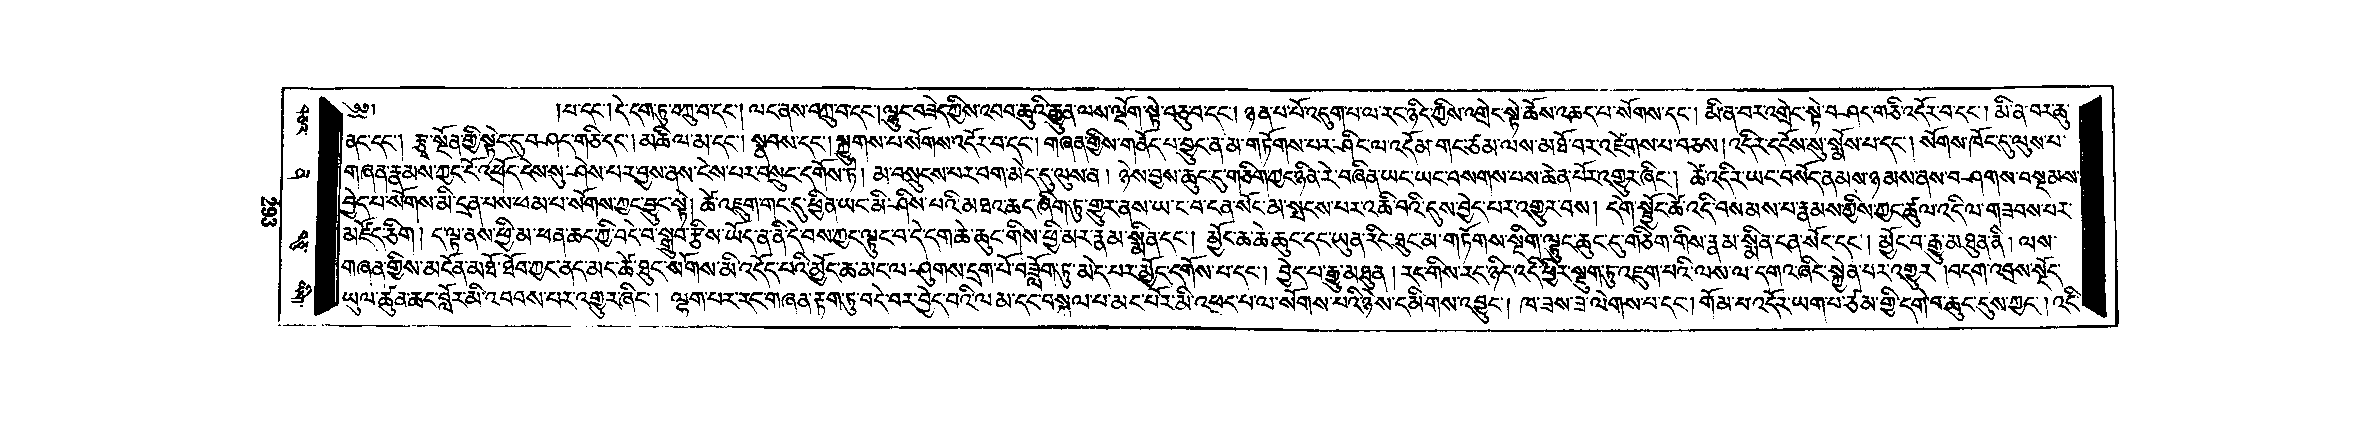༄༅། །པ་དང་། དེ་དག་ཏུ་བཀྲུ་བ་དང་། ལང་ནས་བཀྲུ་བ་དང་། ལྷུང་བཟེད་ཀྱིས་འབབ་ཆུའི་རྒྱུན་ལས་ལྡོག་སྟེ་བཅུ་བ་དང་། ཉན་པ་པོ་འདུག་པ་ལ་རང་ཉིད་ཀྱིས་འགྲེང་སྟེ་ཆོས་འཆད་པ་སོགས་དང་། མི་ན་བར་འགྲེང་སྟེ་བཤད་གཅི་འདོར་བ་དང་། མི་ན་བར་ཆུ་
ནང་དང་། རྩྭ་སྔོན་གྱི་སྟེང་དུ་བཤད་གཅི་དང་། མཆིལ་མ་དང་། སྣབས་དང་། སྐྱུགས་པ་སོགས་འདོར་བ་དང་། གཞན་གྱིས་གནོད་པ་བྱུང་ན་མ་གཏོགས་པར་ཤིང་ལ་འདོམ་གང་ཙམ་ལས་མཐོ་བར་འཛེགས་པ་བཅས། འདིར་དངོས་སུ་སྨོས་པ་དང་། སོགས་ཁོང་དུ་ལུས་པ་
གཞན་རྣམས་ཀྱང་ངོ་འཕྲོད་ངེས་སུ་ཤེས་པར་བྱས་ནས་ངེས་པར་བསྲུང་དགོས་ཏེ། མ་བསྲུངས་པར་བག་མེད་དུ་ལུས་ན། ཉེས་བྱས་ཆུང་ངུ་གཅིག་ཀྱང་ཉིན་རེ་བཞིན་ཡང་ཡང་བསགས་པས་ཆེན་པོར་འགྱུར་ཞིང་། ཚེ་འདིར་ཡང་བསོད་ནམས་ཉམས་ནས་བཤགས་བསྡམས་
བྱེད་པ་སོགས་མི་དྲན་པས་ཕམ་པ་སོགས་ཀྱང་བྱུང་སྟེ། ཚེ་འཇུག་གང་དུ་ཕྱིན་ཡང་མི་ཤིས་པའི་མཐའ་ཆད་ཞིག་ཏུ་གྱུར་ནས་ཡ་ང་བ་ངན་སོང་མ་སྤངས་པར་འཆི་བའི་དུས་བྱེད་པར་འགྱུར་བས། དགེ་སྦྱོང་ཚེ་འདི་བསམས་པ་རྣམས་ཀྱིས་ཀྱང་ཚུལ་འདི་ལ་གཟབས་པར་
མཛོད་ཅིག །ད་ལྟ་ནས་ཕྱི་མ་ཕན་ཆད་ཀྱི་བདེ་བ་སྒྲུབ་རྩིས་ཡོད་ན་ནི་དེ་བས་ཀྱང་ལྟུང་བ་དེ་དག་ཆེ་ཆུང་གིས་ཕྱི་མར་རྣམ་སྨིན་དང་། མྱོང་ཆ་ཆེ་ཆུང་དང་ཡུན་རིང་ཐུང་མ་གཏོགས་སྡིག་ལྟུང་ཆུང་ངུ་གཅིག་གིས་རྣམ་སྨིན་ངན་སོང་དང་། མྱོང་བ་རྒྱུ་མཐུན་ནི། ལས་
གཞན་གྱིས་མངོན་མཐོ་ཐོབ་ཀྱང་ནད་མང་ཚེ་ཐུང་སོགས་མི་འདོད་པའི་མྱོང་ཆ་མང་ལ་ཤུགས་དྲག་པོ་བཟློག་ཏུ་མེད་པར་མྱོང་དགོས་པ་དང་། བྱེད་པ་རྒྱུ་མཐུན། རང་གིས་རང་ཉིད་འདི་ཕྱིར་སྡུག་ཏུ་འཇུག་པའི་ལས་ལ་དགའ་ཞིང་སྐྱེན་པར་འགྱུར། བདག་འབྲས་སྡོད་
ཡུལ་ཚུན་ཆད་བློར་མི་འབབས་པར་འགྱུར་ཞིང་། ལྷག་པར་རང་གཞན་རྟག་ཏུ་བདེ་བར་བྱེད་པའི་ལམ་དང་བསྐལ་པ་མང་པོར་མི་འཕྲད་པ་ལ་སོགས་པའི་ཉེས་དམིགས་འབྱུང་། ཁ་ཟས་ཟ་ལེགས་པ་དང་། གོམ་པ་འདོར་ཡག་པ་ཙམ་གྱི་དགེ་བ་ཆུང་དུས་ཀྱང་། འདི་